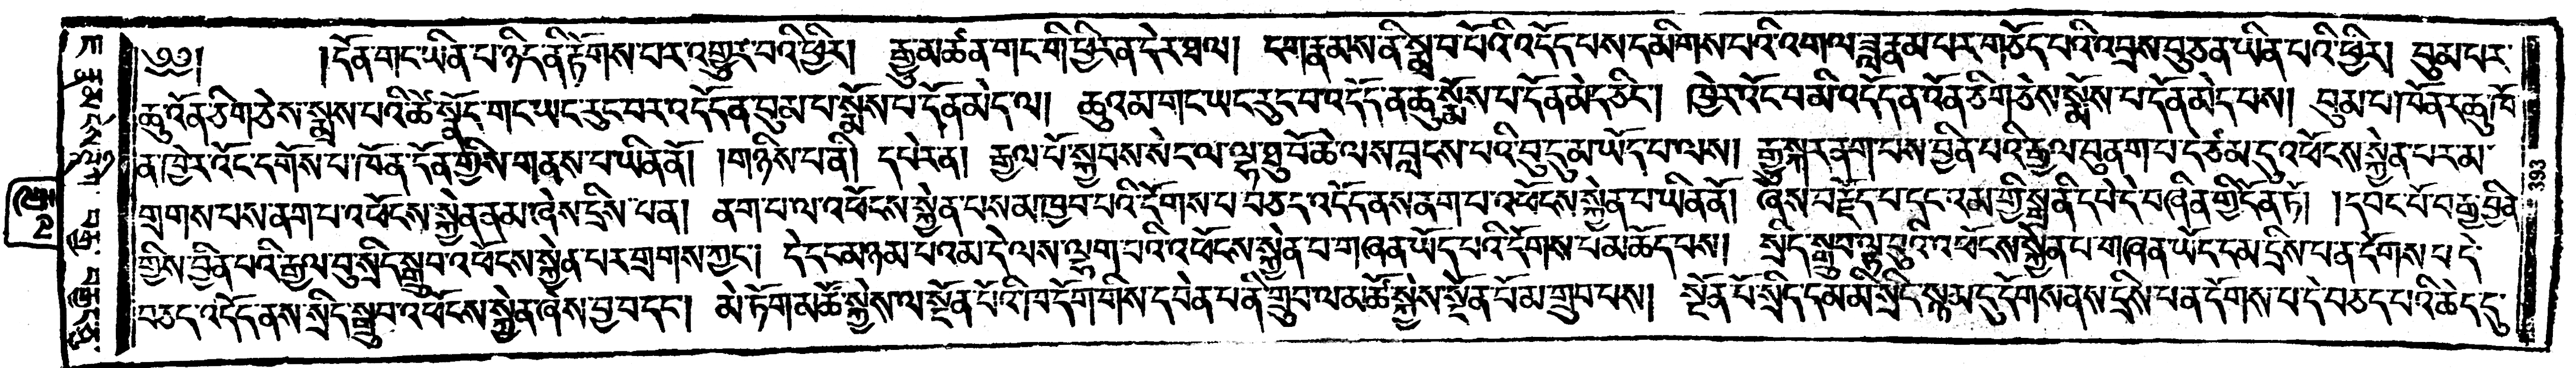༄༅། །དོན་གང་ཡིན་པ་ཉིད་ནི་རྟོགས་པར་འགྱུར་བའི་ཕྱིར། རྒྱུ་མཚན་གང་གི་ཕྱིར་ན་དེར་ཐལ། ངག་རྣམས་ནི་སྨྲ་བ་པོའི་འདོད་པས་དམིགས་པའི་འགལ་ཟླ་རྣམ་པར་གཅོད་པའི་འབྲས་བུ་ཅན་ཡིན་པའི་ཕྱིར། བུམ་པར་
ཆུ་འོན་ཅིག་ཅེས་སྨྲས་པའི་ཚེ་སྣོད་གང་ཡང་རུང་བར་འདོད་ན་བུམ་པ་སྨོས་པ་དོན་མེད་ལ། ཆུའམ་གང་ཡང་རུང་བ་འདོད་ན་ཆུ་སྨོས་པ་དོན་མེད་ཅིང་། ཁྱེར་འོང་བ་མི་འདོད་ན་འོན་ཅིག་ཅེས་སྨོས་པ་དོན་མེད་པས། བུམ་པ་ཁོ་ནར་ཆུ་ཁོ་
ན་ཁྱེར་འོང་དགོས་པ་ཁོ་ན་དོན་གྱིས་གནས་པ་ཡིན་ནོ། །གཉིས་པ་ནི། དཔེར་ན། རྒྱལ་པོ་སྐྱབས་སེང་ལ་ལྷ་ཐུ་བོ་ཆེ་ལས་བླངས་པའི་བུ་དུ་མ་ཡོད་པ་ལས། རྒྱུ་སྐར་ནག་པས་བྱིན་པའི་རྒྱལ་བུ་ནག་པ་དེ་ཙམ་དུ་འཕོངས་སྐྱེན་པར་མ་
གྲགས་པས་ནག་པ་འཕོངས་སྐྱེན་ནམ་ཞེས་དྲིས་པ་ན། ནག་པ་ལ་འཕོངས་སྐྱེན་པས་མ་ཁྱབ་པའི་དོགས་པ་བཅད་འདོད་ནས་ནག་པ་འཕོངས་སྐྱེན་པ་ཡིན་ནོ། ཞེས་བརྗོད་པ་དང་འམ་གྱི་སྒྲ་ནི་དཔེ་དེ་བཞིན་གྱི་དོན་ཏོ། །དབང་པོ་བརྒྱ་བྱིན་
གྱིས་བྱིན་པའི་རྒྱལ་བུ་སྲིད་སྒྲུབ་འཕོངས་སྐྱེན་པར་གྲགས་ཀྱང་། དེ་དང་མཉམ་པའམ་དེ་ལས་ལྷག་པའི་འཕོངས་སྐྱེན་བ་གཞན་ཡོད་པའི་དོགས་པ་མཆོད་པས། སྲིད་སྒྲུབ་ལྟ་བུའི་འཕོངས་སྐྱེན་པ་གཞན་ཡོད་དམ་དྲིས་པ་ན་དོགས་པ་དེ་
བཅད་འདོད་ནས་སྲིད་སྒྲུབ་འཕོངས་སྐྱེན་ཞེས་བྱ་བ་དང་། མེ་ཏོག་མཚོ་སྐྱེས་ལ་སྔོན་པོའི་ཁ་དོག་གིས་དབེན་པ་ནི་གྲུབ་ལ་མཚོ་སྐྱེས་སྔོན་པོ་མ་གྲུབ་པས། སྔོན་པོ་སྲིད་དམ་མི་སྲིད་སྙམ་དུ་དོགས་ནས་དྲིས་པ་ན་དོགས་པ་དེ་བཅད་པའི་ཆེད་དུ་